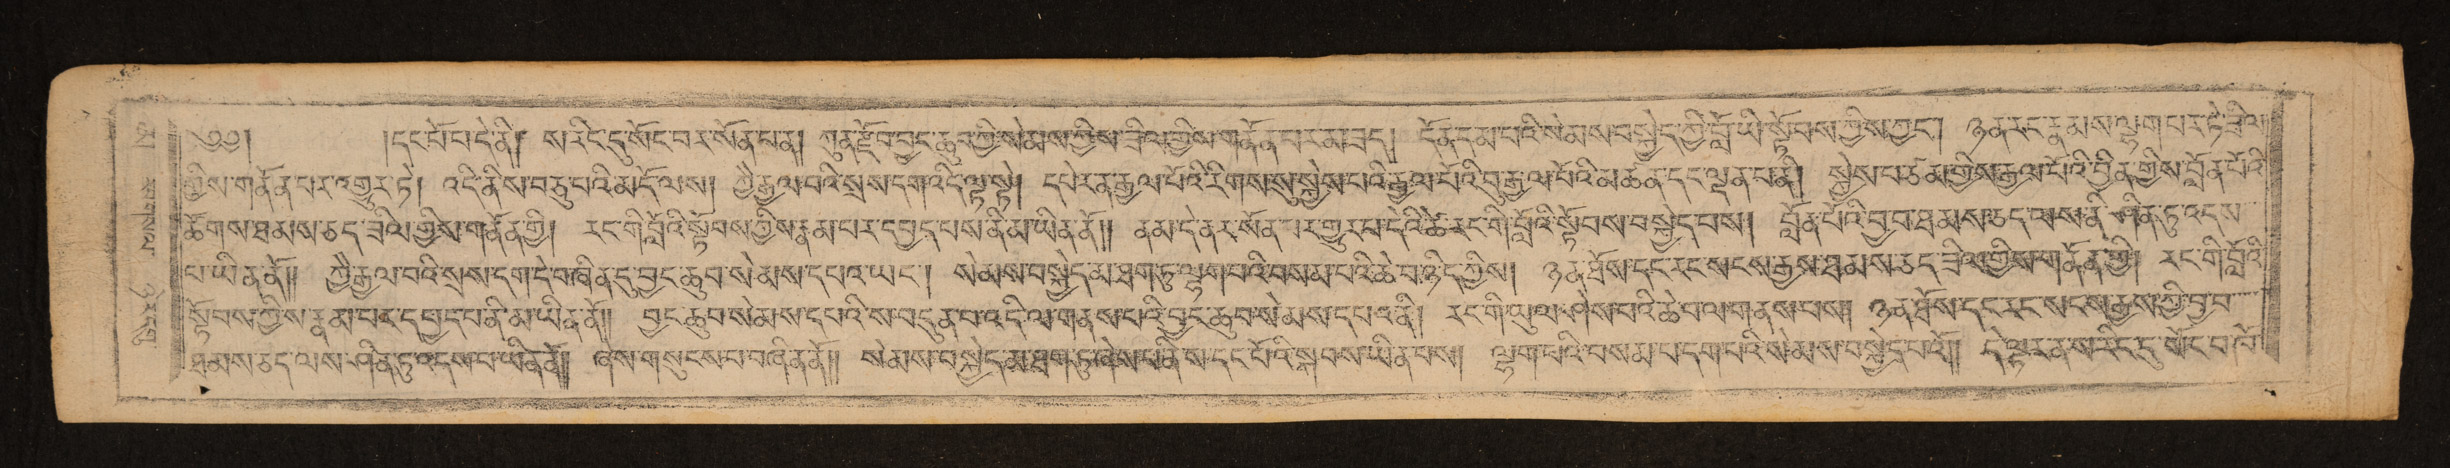༄༅། །དང་པོ་བ་དེ་ནི། ས་རིང་དུ་སོང་བར་སོན་པ་ན། ཀུན་རྫོབ་བྱང་ཆུབ་ཀྱི་སེམས་ཀྱིས་ཟིལ་གྱིས་གནོན་པར་མ་ཟད། དོན་དམ་པའི་སེམས་བསྐྱེད་ཀྱི་བློ་ཡི་སྟོབས་ཀྱིས་ཀྱང་། ཉན་རང་རྣམས་ལྷག་པར་ཏེ་ཟིལ་
གྱིས་གནོན་པར་འགྱུར་ཏེ། འདི་ནི་ས་བཅུ་པའི་མདོ་ལས། ཀྱཻ་རྒྱལ་བའི་སྲས་དག་འདི་ལྟ་སྟེ། དཔེར་ན་རྒྱལ་པོའི་རིགས་སུ་སྐྱེས་པའི་རྒྱལ་པོའི་བུ་རྒྱལ་པོའི་མཚན་དང་ལྡན་པ་ནི། སྐྱེས་པ་ཙམ་གྱིས་རྒྱལ་པོའི་བྱིན་གྱིས་བློན་པོའི་
ཚོགས་ཐམས་ཅད་ཟིལ་གྱིས་གནོན་གྱི། རང་གི་བློའི་སྟོབས་ཀྱིས་རྣམ་པར་དཔྱད་པས་ནི་མ་ཡིན་ནོ།། ནམ་དེ་ནར་སོན་པར་གྱུར་པ་དེའི་ཚེ་རང་གི་བློའི་སྟོབས་བསྐྱེད་པས། བློན་པོའི་བྱ་བ་ཐམས་ཅད་ལས་ནི་ཤིན་ཏུ་འདས་
པ་ཡིན་ནོ།། ཀྱཻ་རྒྱལ་བའི་སྲས་དག་དེ་བཞིན་དུ་བྱང་ཆུབ་སེམས་དཔའ་ཡང་། སེམས་བསྐྱེད་མ་ཐག་ཏུ་ལྷག་པའི་བསམ་པའི་ཆེ་བ་ཉིད་ཀྱིས། ཉན་ཐོས་དང་རང་སངས་རྒྱས་ཐམས་ཅད་ཟིལ་གྱིས་གནོན་གྱི། རང་གི་བློའི་
སྟོབས་ཀྱིས་རྣམ་པར་དཔྱད་པ་ནི་མ་ཡིན་ནོ།། བྱང་ཆུབ་སེམས་དཔའི་ས་བདུན་པ་འདི་ལ་གནས་པའི་བྱང་ཆུབ་སེམས་དཔའ་ནི། རང་གི་ཡུལ་ཤེས་པའི་ཆེ་བ་ལ་གནས་པས། ཉན་ཐོས་དང་རང་སངས་རྒྱས་ཀྱི་བྱ་བ་
ཐམས་ཅད་ལས་ཤིན་ཏུ་འདས་པ་ཡིན་ནོ།། ཞེས་གསུངས་པ་བཞིན་ནོ།། སེམས་བསྐྱེད་མ་ཐག་ཏུ་ཞེས་པ་ནི་ས་དང་པོའི་སྐབས་ཡིན་པས། ལྷག་པའི་བསམ་པ་དག་པའི་སེམས་བསྐྱེད་པའོ།། དེ་ལྟར་ན་ས་རིང་དུ་སོང་བ་ཁོ་